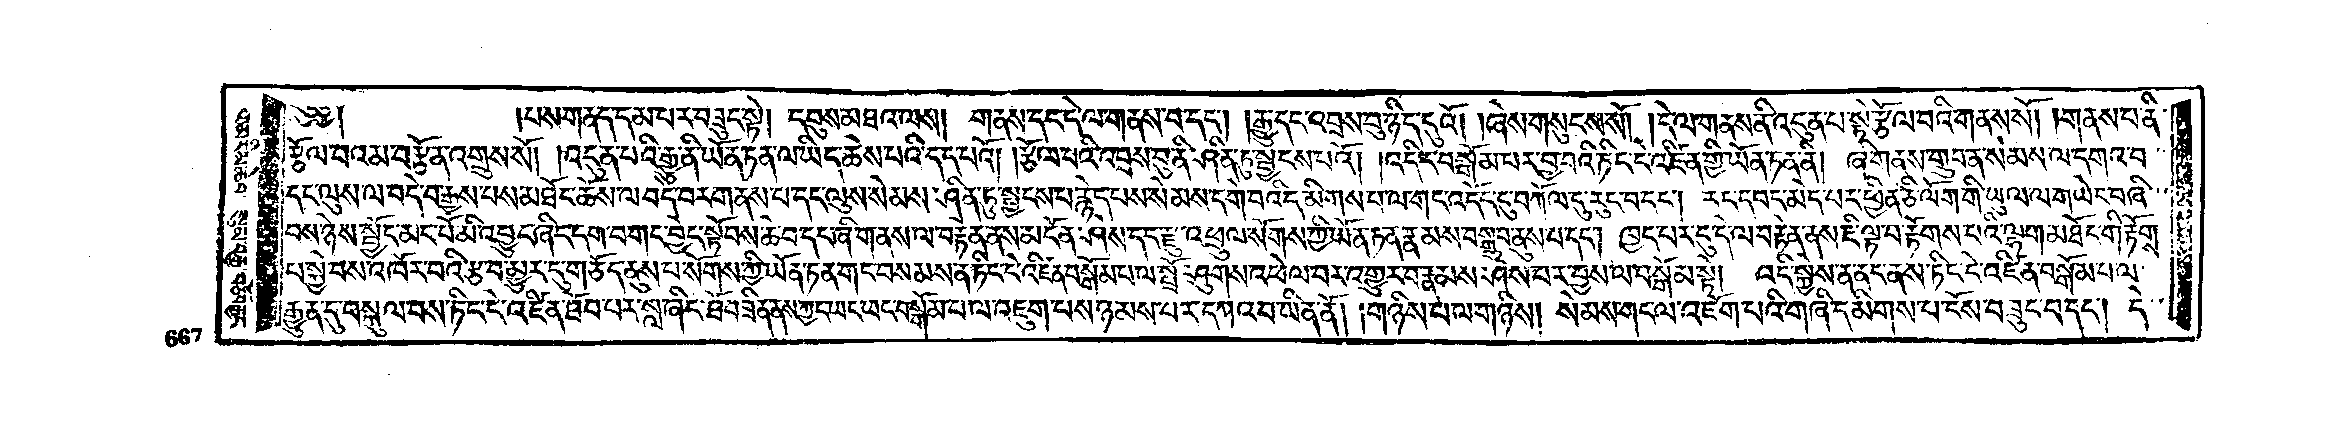༄༅། །པས་གནད་དམ་པར་བཟུང་སྟེ། དབུས་མཐའ་ལས། གནས་དང་དེ་ལ་གནས་པ་དང་། །རྒྱུ་དང་འབྲས་བུ་ཉིད་དུའོ། །ཞེས་གསུངས་སོ། །དེ་ལ་གནས་ནི་འདུན་པ་སྟེ་རྩོལ་བའི་གནས་སོ། །གནས་པ་ནི་
རྩོལ་བའམ་བརྩོན་འགྲུས་སོ། །འདུན་པའི་རྒྱུ་ནི་ཡོན་ཏན་ལ་ཡིད་ཆེས་པའི་དད་པའོ། །རྩོལ་བའི་འབྲས་བུ་ནི་ཤིན་ཏུ་སྦྱངས་པའོ། །འདིར་བསྒོམ་པར་བྱ་བའི་ཏིང་ངེ་འཛིན་གྱི་ཡོན་ཏན་ནི། ཞི་གནས་གྲུབ་ན་སེམས་ལ་དགའ་བ་
དང་ལུས་ལ་བདེ་བ་རྒྱས་པས་མཐོང་ཆོས་ལ་བདེ་བར་གནས་པ་དང་ལུས་སེམས་ཤིན་ཏུ་སྦྱངས་པ་རྙེད་པས་སེམས་དགེ་བའི་དམིགས་པ་ལ་གང་འདོད་དུ་བཀོལ་དུ་རུང་བ་དང་། རང་དབང་མེད་པར་ཕྱིན་ཅི་ལོག་གི་ཡུལ་ལ་གཡེང་བ་ཞི་
བས་ཉེས་སྤྱོད་མང་པོ་མི་འབྱུང་ཞིང་དགེ་བ་གང་བྱེད་སྟོབས་ཆེ་བ་དང་ཞི་གནས་ལ་བརྟེན་ནས་མངོན་ཤེས་དང་རྫུ་འཕྲུལ་སོགས་ཀྱི་ཡོན་ཏན་རྣམས་བསྒྲུབ་ནུས་པ་དང་། ཁྱད་པར་དུ་དེ་ལ་བརྟེན་ནས་ཇི་ལྟ་བ་རྟོགས་པའི་ལྷག་མཐོང་གི་རྟོགས་
པ་སྐྱེ་བས་འཁོར་བའི་རྩ་བ་མྱུར་དུ་གཅོད་ནུས་པ་སོགས་ཀྱི་ཡོན་ཏན་གང་བསམས་ན་ཏིང་ངེ་འཛིན་བསྒོམ་པ་ལ་སྤྲོ་ཤུགས་འཕེལ་བར་འགྱུར་བ་རྣམས་ཤེས་པར་བྱས་ལ་བསྒོམ་སྟེ། འདི་སྐྱེས་ན་ནང་ནས་ཏིང་ངེ་འཛིན་བསྒོམ་པ་ལ་
རྒྱུན་དུ་བསྐུལ་བས་ཏིང་ངེ་འཛིན་ཐོབ་པར་སླ་ཞིང་ཐོབ་ཟིན་ནས་ཀྱང་ཡང་ཡང་བསྒོམ་པ་ལ་འཇུག་པས་ཉམས་པར་དཀའ་བ་ཡིན་ནོ། །གཉིས་པ་ལ་གཉིས། སེམས་གང་ལ་འཇོག་པའི་གཞི་དམིགས་པ་ངོས་བཟུང་བ་དང་། དེ་